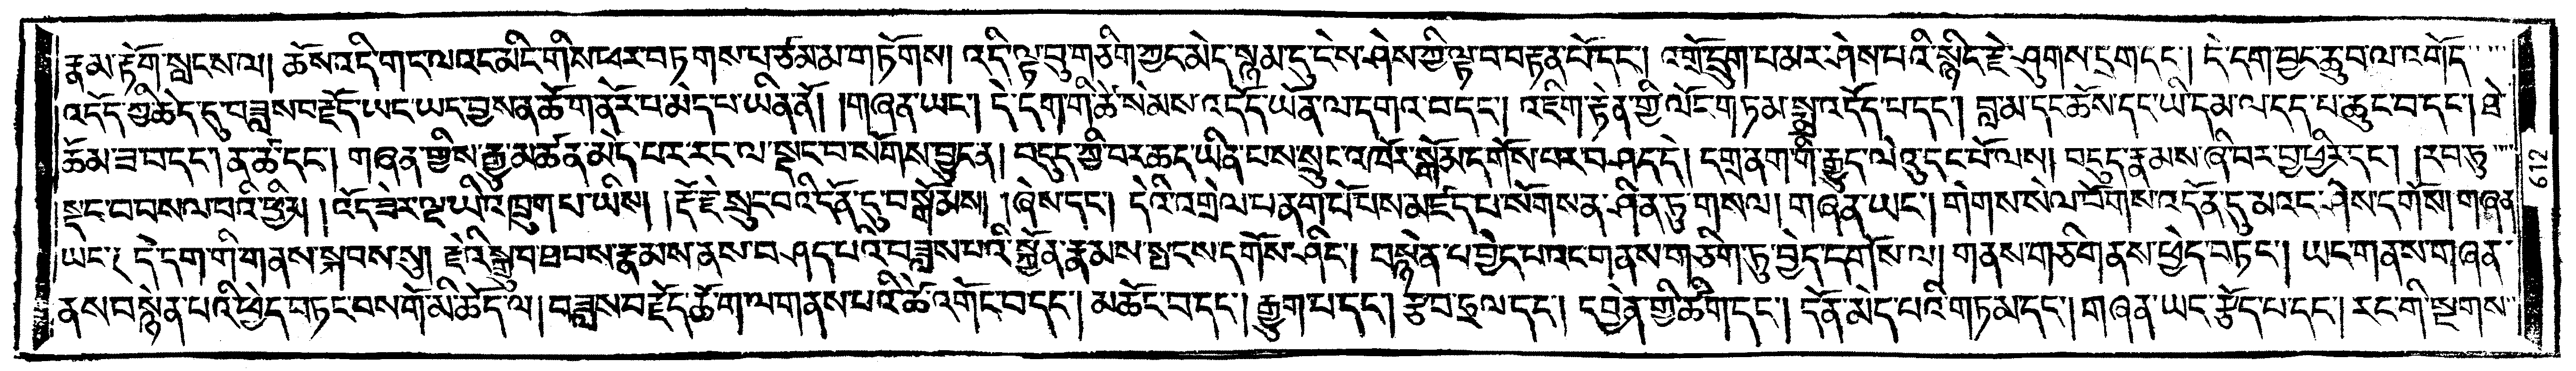རྣམ་རྟོག་སླངས་ལ། ཆོས་འདི་གང་ལའང་མིང་གིས་ཕར་བཏགས་པ་ཙམ་མ་གཏོགས། འདི་ལྟ་བུ་གཅིག་ཀྱང་མེད་སྙམ་དུ་ངེས་ཤེས་ཀྱི་ལྟ་བ་བརྟན་པོ་དང་། འགྲོ་དྲུག་པ་མར་ཤེས་པའི་སྙིང་རྗེ་ཤུགས་དྲག་དང་། དེ་དག་བྱང་ཆུབ་ལ་འགོང་
འདོད་ཀྱི་ཆེད་དུ་བཟླས་བརྗོད་ཡང་ཡང་བྱས་ན་ཆོ་ག་ནོར་པ་མེད་པ་ཡིན་ནོ། །གཞན་ཡང་། དེ་དག་གི་ཚེ་སེམས་འདོད་ཡོན་ལ་དགའ་བ་དང་། འཇིག་རྟེན་གྱི་ལོང་གཏམ་སྨྲ་འདོད་པ་དང་། བླ་མ་དང་ཆོས་དང་ཡི་དམ་ལ་དད་པ་ཆུང་བ་དང་། ཐེ་
ཚོམ་ཟ་བ་དང་། ན་ཚ་དང་། གཞན་གྱིས་རྒྱུ་མཚན་མེད་པར་རང་ལ་སྡང་བ་སོགས་བྱུང་ན། བདུད་ཀྱི་བར་ཆད་ཡིན་པས་སྲུང་འཁོར་སྒོམ་དགོས་པར་བཤད་དེ། དགྲ་ནག་གི་རྒྱུད་ལེའུ་དང་པོ་ལས། བདུད་རྣམས་ཞི་བར་བྱ་ཕྱིར་དང་། །རབ་ཏུ་
སྡང་བ་བསལ་བའི་ཕྱིར། །འོད་ཟེར་ལྔ་ཡི་འཁྲུག་པ་ཡིས། །རྡོ་རྗེ་སྲུང་བའི་དོན་དུ་བསྒོམས། །ཞེས་དང་། དེའི་འགྲེལ་པ་ནག་པོ་པས་མཛད་པ་སོགས་ན་ཤིན་ཏུ་གསལ། གཞན་ཡང་། གེགས་སེལ་བོགས་འདོན་དུ་མའང་ཤེས་དགོས། གཞན་
ཡང༑ དེ་དག་གི་གནས་སྐབས་སུ། རྗེའི་སྒྲུབ་ཐབས་རྣམས་ནས་བཤད་པའི་བཟླས་པའི་སྐྱོན་རྣམས་སྤངས་དགོས་ཤིང་། བསྙེན་པ་བྱེད་པའང་གནས་གཅིག་ཏུ་བྱེད་དགོས་ལ། གནས་གཅིག་ནས་ཕྱེད་བཏང་། ཡང་གནས་གཞན་
ནས་བསྙེན་པའི་ཕྱེད་བཏང་བས་གོ་མི་ཆོད་ལ། བཟླས་བརྗོད་ཆོ་ག་ལ་གནས་པའི་ཚེ་འགོང་བ་དང་། མཆོང་པ་དང་། རྒྱུག་པ་དང་། རྩ་བ་ཧྲལ་དང་། དབྱེན་གྱི་ཚིག་དང་། དོན་མེད་པའི་གཏམ་དང་། གཞན་ཡང་རྩོད་པ་དང་། རང་གི་སྔགས་